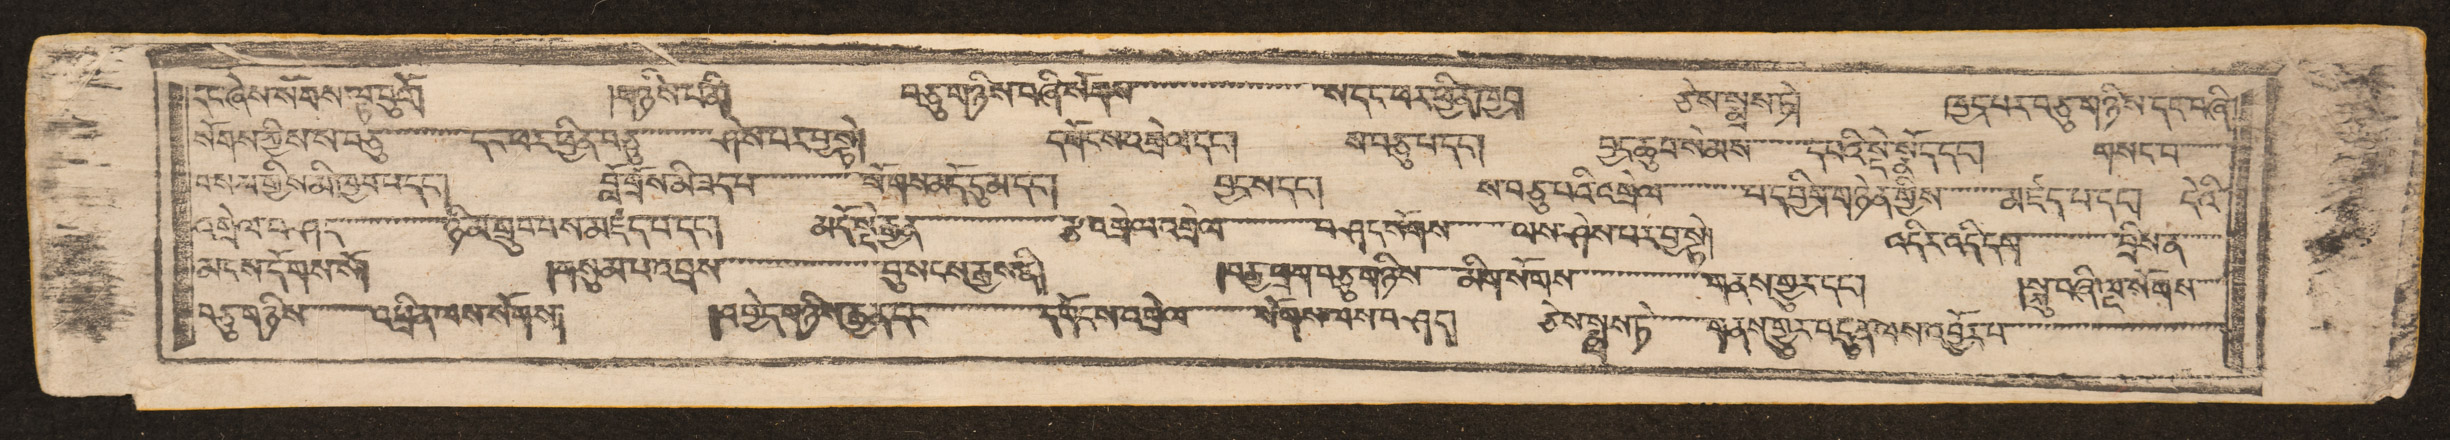དང་ཞེས་སོགས་ལ་བུའོ། །གཉིས་པ་ནི། བཅུ་གཉིས་བཞི་སོགས་ས་དང་ཕར་ཕྱིན་ཁྱད། ཅེས་སྨྲས་ཏེ། ཁྱད་པར་བཅུ་གཉིས་དང་བཞི་
སོགས་ཀྱིས་ས་བཅུ་དང་ཕར་ཕྱིན་བཅུ་ཤེས་པར་བྱ་སྟེ། དགོངས་འགྲེལ་དང་། ས་བཅུ་པ་དང་། བྱང་ཆུབ་སེམས་དཔའི་སྡེ་སྣོད་དང་། གསང་པ་
བསམ་གྱིས་མི་ཁྱབ་པ་དང་། བློ་གྲོས་མི་ཟད་པ་སོགས་མདོ་དུ་མ་དང་། བྱང་ས་དང་། ས་བཅུ་པའི་འགྲེལ་པ་དབྱིག་གཉེན་གྱིས་མཛད་པ་དང་། དེའི་
འགྲེལ་བཤད་ཉི་མ་གྲུབ་པས་མཛད་པ་དང་། མདོ་སྡེ་རྒྱན་རྩ་འགྲེལ་འགྲེལ་བཤད་སོགས་ལས་ཤེས་པར་བྱ་སྟེ། འདིར་འདི་དག་བྲིས་ན་
མངས་དོགས་སོ། །གསུམ་པ་འབྲས་བུ་སངས་རྒྱས་ནི། །བརྒྱ་ཕྲག་བཅུ་གཉིས་མིག་སོགས་གནས་གྱུར་དང་། །སྐུ་བཞི་ལྔ་སོགས་
བཅུ་གཉིས་འཕྲིན་ལས་སོགས། །འབྱེད་གཉིས་རྒྱན་དང་དགོངས་འགྲེལ་སོགས་ལས་བཤད། ཅེས་སྨྲས་ཏེ་གནས་གྱུར་བདུན་ལས་འབྱོར་པ་